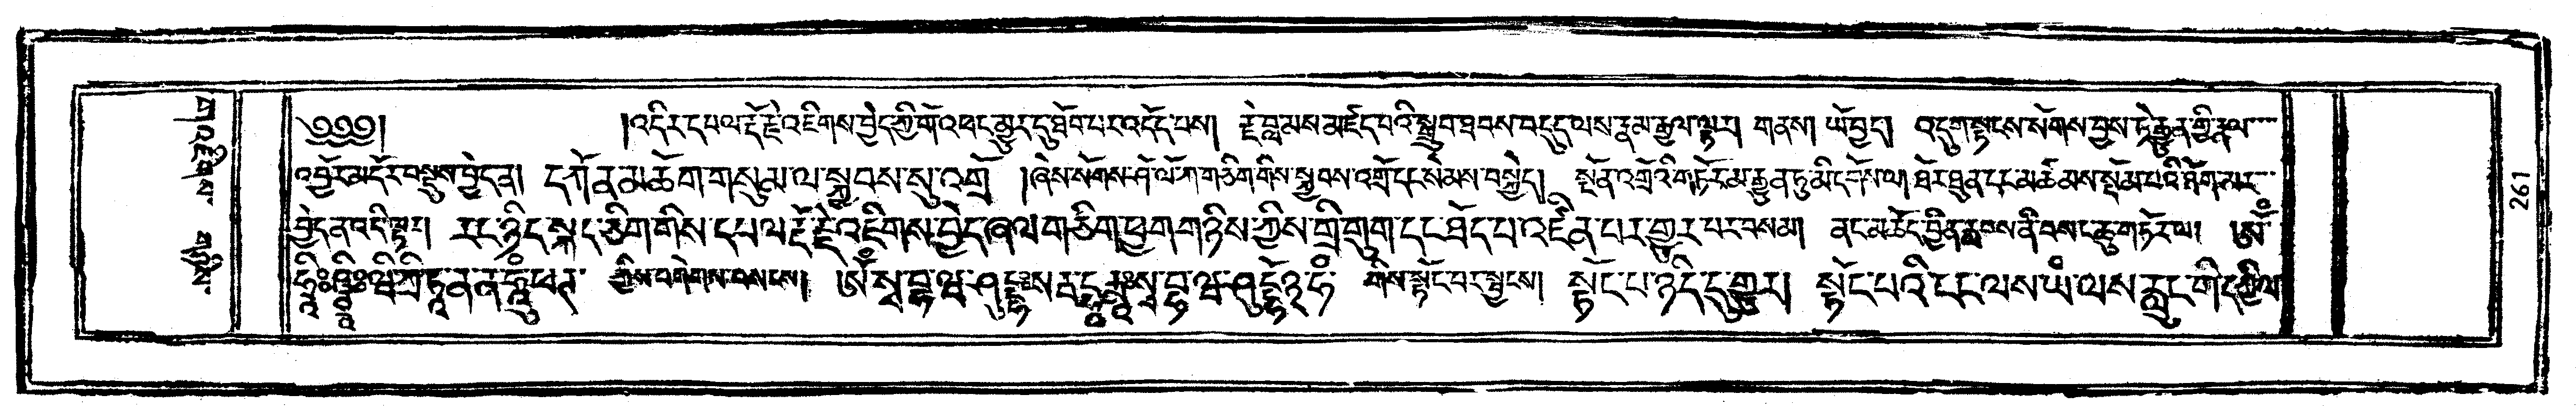༄༅༅། །འདིར་དཔལ་རྡོ་རྗེ་འཇིགས་བྱེད་ཀྱི་གོ་འཕང་མྱུར་དུ་ཐོབ་པར་འདོད་པས། རྗེ་བླ་མས་མཛད་པའི་སྒྲུབ་ཐབས་བདུད་ལས་རྣམ་རྒྱལ་ལྟར། གནས། ཡོ་བྱད། འདུག་སྟངས་སོགས་བྱས་ཏེ་རྒྱུན་གྱི་རྣལ་
འབྱོར་མདོར་བསྡུས་བྱེད་ན། དཀོན་མཆོག་གསུམ་ལ་སྐྱབས་སུ་འགྲོ་།ཞེས་སོགས་ཤོ་ལོ་ཀ་གཅིག་གིས་སྐྱབས་འགྲོ་དང་སེམས་བསྐྱེད། སྔོན་འགྲོའི་གཏོར་མ་རྒྱུན་ཏུ་མི་དགོས་ལ། ཐོར་ཐུན་དང་མཚམས་སྡོམ་པའི་ཤོག་མར་
བྱེད་ན་འདི་ལྟར། རང་ཉིད་སྐད་ཅིག་གིས་དཔལ་རྡོ་རྗེ་འཇིགས་བྱེད་ཞལ་གཅིག་ཕྱག་གཉིས་ཀྱིས་གྲི་གུག་དང་ཐོད་པ་འཛིན་པར་གྱུར་པར་བསམ། ནང་མཆོད་བྱིན་རླབས་ནི་བསང་ཆུ་གཏོར་ལ། ཨོཾ་
ཧྲཱིཿཥྚྲཱིཿཝི་ཀྲི་ཏཱ་ན་ན་ཧཱུཾ་ཕཊ་ཀྱིས་བགེགས་བསངས། ཨོཾ་སྭ་བྷ་ཝ་ཤུདྡྷཿསརྦ་དྷཱརྨཱཿསྭ་བྷ་ཝ་ཤུདྡྷོཉ་ཧཾ་གིས་སྟོང་པར་སྦྱངས། སྟོང་པ་ཉིད་དུ་གྱུར། སྟོང་པའི་ངང་ལས་ཡཾ་ལས་རླུང་གི་དཀྱིལ་